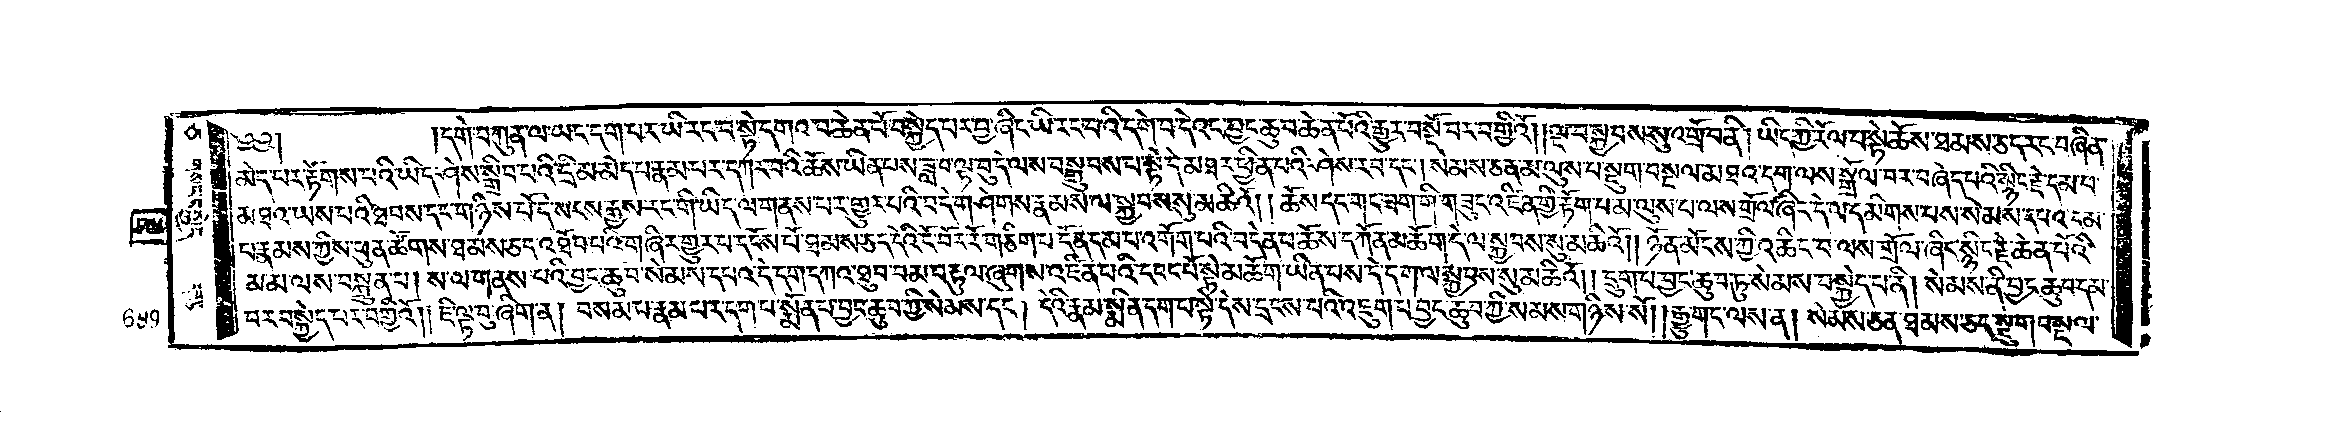༄༅། །དགེ་བ་ཀུན་ལ་ཡང་དག་པར་ཡི་རང་བ་སྟེ་དགའ་བ་ཆེན་པོ་བསྐྱེད་པར་བྱ་ཞིང་ཡི་རང་བའི་དགེ་བ་དེའང་བྱང་ཆུབ་ཆེན་པོའི་རྒྱུར་བསྔོ་བར་བགྱིའོ། །ལྔ་བ་སྐྱབས་སུ་འགྲོ་བ་ནི། ཡིད་ཀྱི་རོལ་པ་སྟེ་ཆོས་ཐམས་ཅད་རང་བཞིན་
མེད་པར་རྟོགས་པའི་ཡིད་ཤེས་སྒྲིབ་པའི་དྲི་མ་མེད་པ་རྣམ་པར་དཀར་བའི་ཆོས་ཡིན་པས་ཟླ་བ་ལྟ་བུ་དེ་ལས་བསྒྲུབས་པ་སྟེ་དེ་མཐར་ཕྱིན་པའི་ཤེས་རབ་དང་། སེམས་ཅན་མ་ལུས་པ་སྡུག་བསྔལ་མཐའ་དག་ལས་སྒྲོལ་བར་བཞེད་པའི་སྙིང་རྗེ་དམ་པ་
མཐའ་ཡས་པའི་ཐབས་དང་གཉིས་པོ་དེ་སངས་རྒྱས་རང་གི་ཡིད་ལ་གནས་པར་གྱུར་པའི་བདེ་གཤེགས་རྣམས་ལ་སྐྱབས་སུ་མཆིའོ། །ཆོས་དང་གང་ཟག་གི་གཟུང་འཛིན་གྱི་རྟོག་པ་མ་ལུས་པ་ལས་གྲོལ་ཞིང་དེ་ལ་དམིགས་པས་སེམས་དཔའ་དམ་
པ་རྣམས་ཀྱིས་ཕུན་ཚོགས་ཐམས་ཅད་འཐོབ་པའི་གཞིར་གྱུར་པ་དངོས་པོ་ཐམས་ཅད་དེའི་ངོ་བོར་རོ་གཅིག་པ་དོན་དམ་པ་འགོག་པའི་བདེན་པ་ཆོས་དཀོན་མཆོག་དེ་ལ་སྐྱབས་སུ་མཆིའོ། །ཉོན་མོངས་ཀྱི་འཆིང་བ་ལས་གྲོལ་ཞིང་སྙིང་རྗེ་ཆེན་པོའི་
མ་མ་ལས་བསྐྲུན་པ། ས་ལ་གནས་པའི་བྱང་ཆུབ་སེམས་དཔའ་དེ་དག་དཀའ་ཐུབ་བམ་བརྟུལ་ཞུགས་འཛིན་པའི་དབང་པོ་སྟེ་མཆོག་ཡིན་པས་དེ་དག་ལ་སྐྱབས་སུ་མཆིའོ། །དྲུག་པ་བྱང་ཆུབ་ཏུ་སེམས་བསྐྱེད་པ་ནི། སེམས་ནི་བྱང་ཆུབ་དམ་
པར་བསྐྱེད་པར་བགྱིའོ། །ཇི་ལྟ་བུ་ཞིག་ན། བསམ་པ་རྣམ་པར་དག་པ་སྨོན་པ་བྱང་ཆུབ་ཀྱི་སེམས་དང་། དེའི་རྣམ་སྨིན་དག་པ་སྟེ་དེས་དྲངས་པའི་འཇུག་པ་བྱང་ཆུབ་ཀྱི་སེམས་གཉིས་སོ། །རྒྱུ་གང་ལས་ན། སེམས་ཅན་ཐམས་ཅད་སྡུག་བསྔལ་